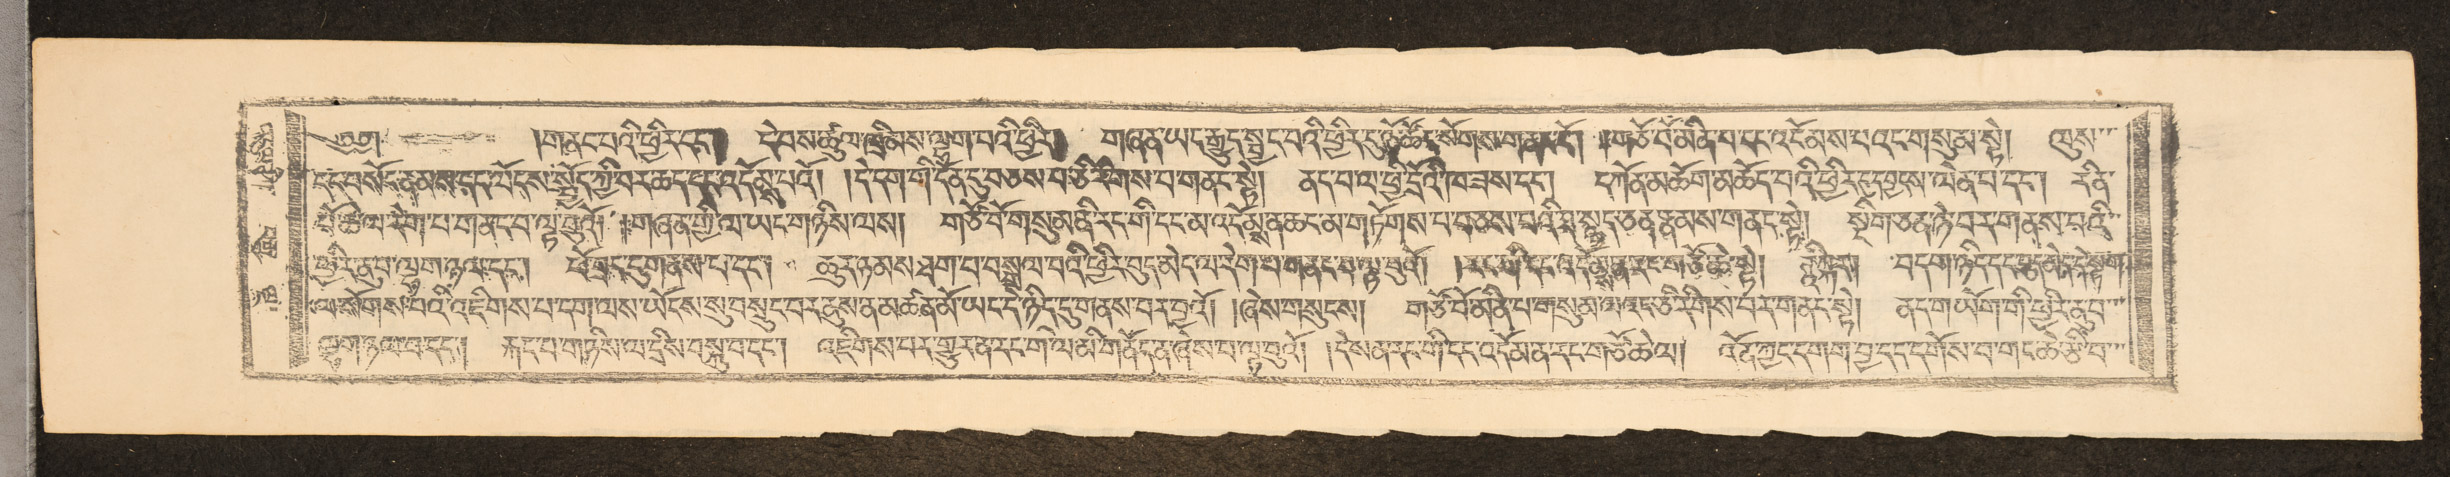༄༅། །གནང་བའི་ཕྱིར་དང་། དེ་བས་ཚུལ་ཁྲིམས་ལྷག་པའི་ཕྱིར། གཞན་ཡང་རྒྱུད་སྦྱང་བའི་ཕྱིར་དུ་ཉོ་ཚོང་སོགས་གནང་ངོ། །གཙོ་བོ་མིན་པ་དང་འདོམས་པའང་གསུམ་སྟེ། ལུས་
དང་བསོད་ནམས་དང་ལོངས་སྤྱོད་ཀྱི་བར་ཆད་དང་འདོམས་པའོ། །དེ་དག་གི་དོན་དུ་བཅས་པ་ཅི་རིགས་པ་གནང་སྟེ། ནད་པ་ལ་ཕྱི་དྲོའི་ཁ་ཟས་དང་། དཀོན་མཆོག་མཆོད་པའི་ཕྱིར་དུ་དབྱངས་ལེན་པ་དང་། རིན་
པོ་ཆེ་ལ་རེག་པ་གནང་བ་ལྟ་བུའོ། །གཞན་གྱི་ལ་ཡང་གཉིས་ལས། གཙོ་བོ་གསུམ་ནི་རང་གི་དང་མ་འདོམས་ན་ཆང་མ་གཏོགས་པ་བཅས་པའི་ཐ་སྙད་ཅན་རྣམས་གནང་སྟེ། སྡིག་ཅན་ཉེ་བར་གནས་པའི་
ཕྱིར་ནུབ་ལྷག་ཉལ་དང་། ཕོ་བྲང་དུ་གནས་པ་དང་། ཆུར་ཉམས་ཐག་པ་བསྒྲལ་བའི་ཕྱིར་བུད་མེད་ལ་རེག་པ་གནང་བ་ལྟ་བུའོ། །རང་གི་དང་འདོམས་ན་རང་གཙོ་ཆེ་སྟེ། ཊཱིཀྐར། བདག་འདི་དད་བུད་མེད་དེ་སྟག་
ལ་སོགས་པའི་འཇིགས་པ་དག་ལས་ཡོངས་སུ་བསྲུང་བར་ནུས་ན་མཚན་མོ་ཡང་དེ་ཉིད་དུ་གནས་པར་བྱའོ། །ཞེས་གསུངས། གཙོ་བོ་མིན་པ་གསུམ་ལའང་ཅི་རིགས་པར་གནང་སྟེ། ནད་གཡོག་གི་ཕྱིར་ནུབ་
ལྷག་ཉལ་པ་དང་། རྐང་པ་གཉིས་ལ་དྲིས་བསྒྲུབ་དང་། འཇིགས་པར་གྱུར་ན་རང་གི་ལ་མི་གནོད་ན་ཞེས་པ་ལྟ་བུའོ། །དེས་ན་རང་གི་དང་འདོམ་ན་རང་གཙོ་ཆེ་ལ། འོན་ཀྱང་དགག་བ་དང་དགོས་པ་གང་ཆེ་རྩི་བ་